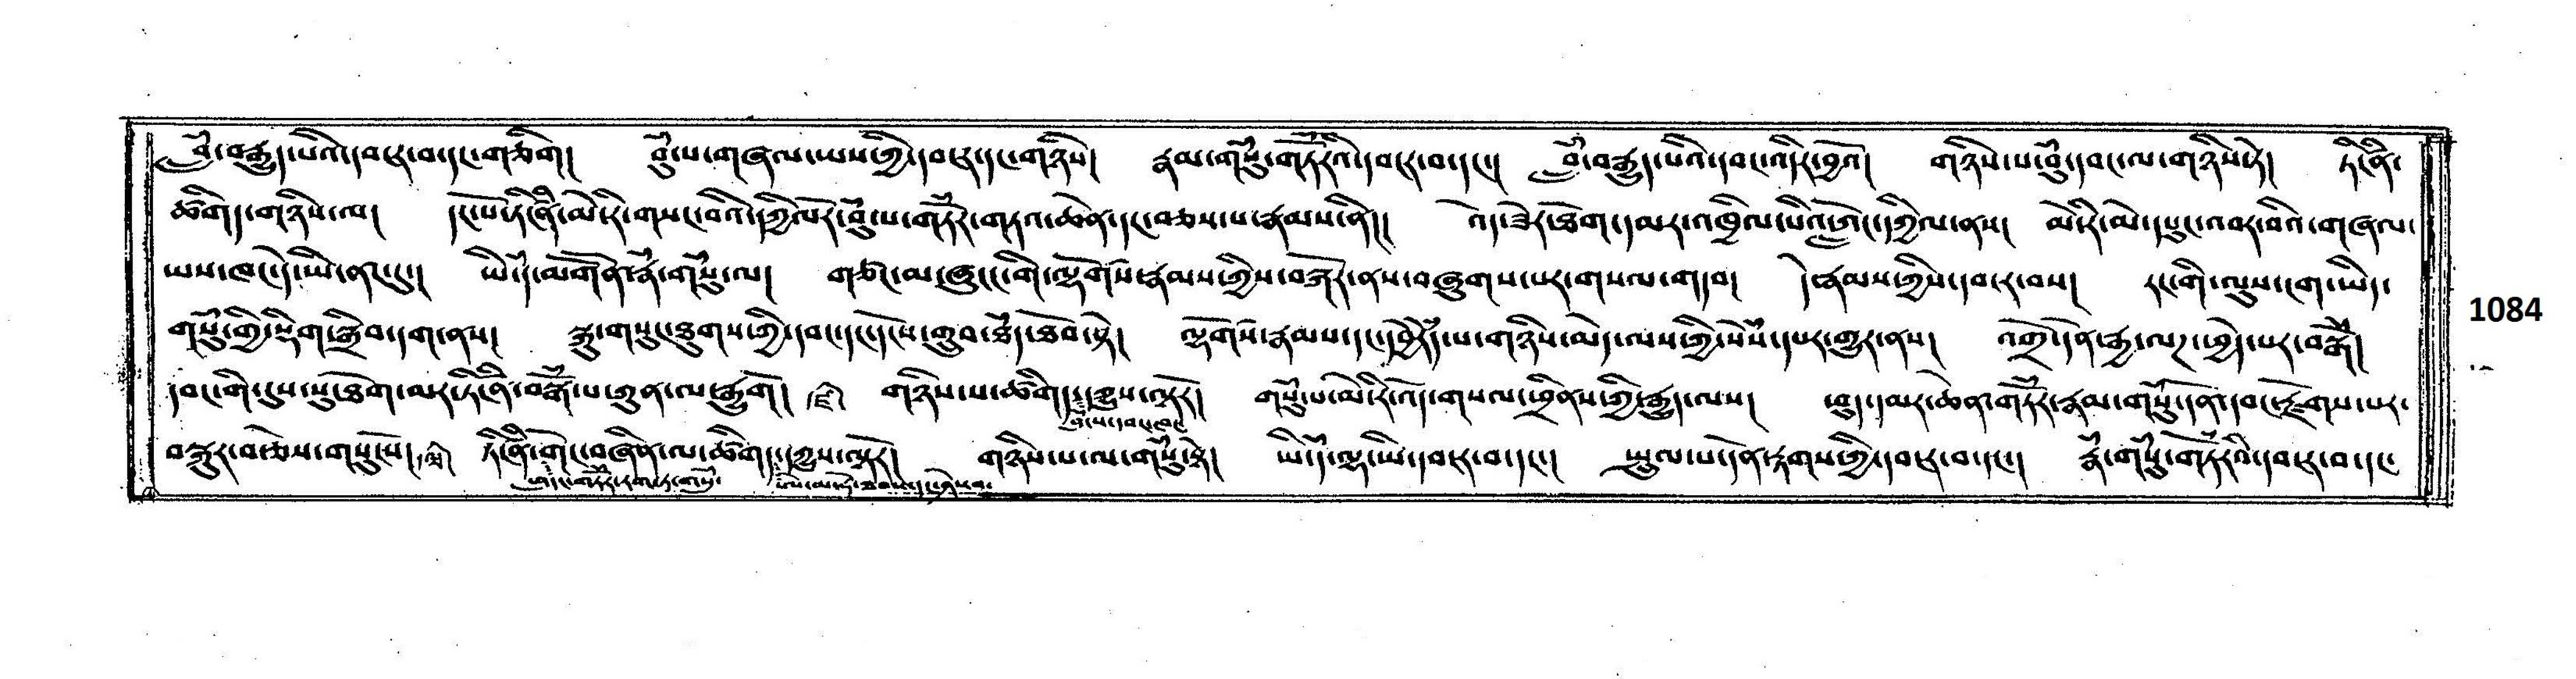བླ་མ་བརྒྱུད་པའི་དབང་བསྐུར་བ་དང་གཅིག བུམ་པ་གཞལ་ཡས་ཀྱི་དབང་བསྐུར་དང་གཉིས། རྣམ་གསུམ་གཏོར་མའི་དབང་བསྐུར་བ་དང་། བླ་མ་བརྒྱུད་པའི་དབང་འདིར་བྱའོ། གཉིས་པ་བུམ་དབང་ལ་གཉིས་ཏེ། ཏིང་འཛིན་
ཚིག་བཤད་གཉིས་ལ། དང་པོ་ཏིང་འཛིན་མེ་རི་གསང་བའི་དཀྱིལ་འཁོར་བུམ་པ་གཏོར་མ་གཏའ་ཆེན་དང་བཅས་པ་རྣམས་ནི།། འོད་ཟེར་ཐོག་དམར་འཁྱིལ་པའི་ཀློང་དཀྱིལ་ནས། མེ་རི་མེ་དཔུང་འབར་བའི་གཞལ་
ཡས་ཁང་དེ་ཡི་ནང་དུ། ཡི་དམ་མགོན་པོ་རྣམ་གསུམ་ལ། གཙང་མ་ཞང་ཞུང་གི་ལྷ་ཚོགས་རྣམས་ཀྱིས་བསྐོར་ནས་བཞུགས་པར་གསལ་གདབ། དེ་རྣམས་ཀྱིས་དབང་བསྐུར་བས། རང་གི་ལུས་ངག་ཡིད་
གསུམ་གྱི་སྡིག་སྒྲིབ་དག་ནས། སྐུ་གསུང་ཐུགས་ཀྱི་དབང་དང་དངོས་གྲུབ་ཐམས་ཅད་ཐོབ་སྟེ། ལྷ་ཚོགས་རྣམས་དང་དབྱེར་མེད་པ་གཉིས་མེད་ལས་ཀྱི་སེམས་དཔར་གྱུར་ནས། འགྲོ་དོན་རྒྱ་ལག་ཕྱེད་པར་བསྒོམ། 
དབང་གི་དུས་སུ་ཐོག་མར་ཏིང་འཛིན་བསྒོམ་པ་ཀུན་ལ་རྒྱུག་གོ། ༼ཛ༽ གཉིས་པ་ཚིག་བཤད་བུམ་པ་དབང་ཁང་དཀྱུས་ལྟར་རོ། གསུམ་པ་མེ་རི་འོད་གསལ་ཕྲིན་ལས་ཀྱི་རྒྱུད་ལས། ཕུད་དམར་ཆེན་གཏོར་མ་རྣམ་གསུམ་དོན་དབང་རྫོགས་པར་
བསྐུར་བ་ཅེས་གསུངས་སོ། ༼ཝ༽ ཏིང་འཛིན་ཕུད་དང་གཏོར་མ་རག་ཏ་གསུམ་གོང་བཞི་ལ་ཚིག་བཤད་ཨེ་མ་ཧོ་ཐབས་དང་ཤེས་རབ་དཀྱུས་ལྟར་རོ། གཉིས་པ་ལ་གསུམ་སྟེ། ཡི་དམ་ལྷ་ཡི་དབང་བསྐུར་བ་དང་། སྤྲུལ་པ་དོན་རྟགས་ཀྱི་དབང་བསྐུར་བ་དང་། རྣམ་གསུམ་གཏོར་མའི་དབང་བསྐུར་བ་དང་